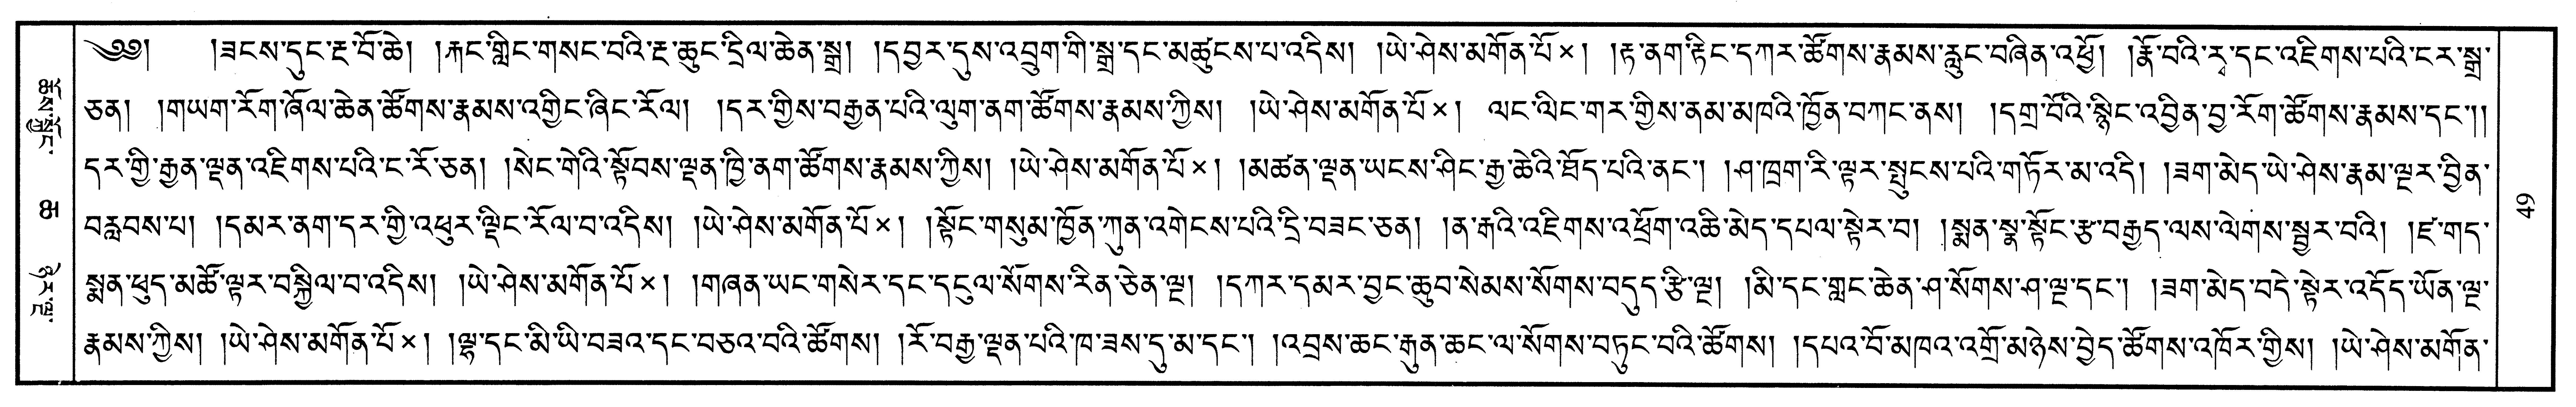༄༅། །ཟངས་དུང་རྔ་བོ་ཆེ། །རྐང་གླིང་གསང་བའི་རྔ་ཆུང་དྲིལ་ཆེན་སྒྲ། །དབྱར་དུས་འབྲུག་གི་སྒྲ་དང་མཚུངས་པ་འདིས། །ཡེ་ཤེས་མགོན་པོ་྾། །རྟ་ནག་རྟིང་དཀར་ཚོགས་རྣམས་རླུང་བཞིན་འཕྱོ། །རྣོ་བའི་རྭ་དང་འཇིགས་པའི་ངར་སྒྲ་
ཅན། །གཡག་རོག་ཞོལ་ཆེན་ཚོགས་རྣམས་འགྱིང་ཞིང་རོལ། །དར་གྱིས་བརྒྱན་པའི་ལུག་ནག་ཚོགས་རྣམས་ཀྱིས། །ཡེ་ཤེས་མགོན་པོ་྾། ལང་ལིང་གར་གྱིས་ནམ་མཁའི་ཁྱོན་བཀང་ནས། །དགྲ་བོའི་སྙིང་འབྱིན་བྱ་རོག་ཚོགས་རྣམས་དང།།
དར་གྱི་རྒྱན་ལྡན་འཇིགས་པའི་ང་རོ་ཅན། །སེང་གེའི་སྟོབས་ལྡན་ཁྱི་ནག་ཚོགས་རྣམས་ཀྱིས། །ཡེ་ཤེས་མགོན་པོ་྾། །མཚན་ལྡན་ཡངས་ཤིང་རྒྱ་ཆེའི་ཐོད་པའི་ནང་། །ཤ་ཁྲག་རི་ལྟར་སྤུངས་པའི་གཏོར་མ་འདི། །ཟག་མེད་ཡེ་ཤེས་རྣམ་ལྔར་བྱིན་
བརླབས་པ། །དམར་ནག་དར་གྱི་འཕུར་ལྡིང་རོལ་བ་འདིས། །ཡེ་ཤེས་མགོན་པོ་྾། །སྟོང་གསུམ་ཁྱོན་ཀུན་འགེངས་པའི་དྲི་བཟང་ཅན། །ན་རྒའི་འཇིགས་འཕྲོག་འཆི་མེད་དཔལ་སྟེར་བ། །སྨན་སྣ་སྟོང་རྩ་བརྒྱད་ལས་ལེགས་སྦྱར་བའི། །ཛ་གད་
སྨན་ཕུད་མཚོ་ལྟར་བསྐྱིལ་བ་འདིས། །ཡེ་ཤེས་མགོན་པོ་྾། །གཞན་ཡང་གསེར་དང་དངུལ་སོགས་རིན་ཅེན་ལྔ། །དཀར་དམར་བྱང་ཆུབ་སེམས་སོགས་བདུད་རྩི་ལྔ། །མི་དང་གླང་ཆེན་ཤ་སོགས་ཤ་ལྔ་དང་། །ཟག་མེད་བདེ་སྟེར་འདོད་ཡོན་ལྔ་
རྣམས་ཀྱིས། །ཡེ་ཤེས་མགོན་པོ་྾། །ལྷ་དང་མི་ཡི་བཟའ་དང་བཅའ་བའི་ཚོགས། །རོ་བརྒྱ་ལྡན་པའི་ཁ་ཟས་དུ་མ་དང་། །འབྲས་ཆང་རྒུན་ཆང་ལ་སོགས་བཏུང་བའི་ཚོགས། །དཔའ་བོ་མཁའ་འགྲོ་མཉེས་བྱེད་ཚོགས་འཁོར་གྱིས། །ཡེ་ཤེས་མགོན་